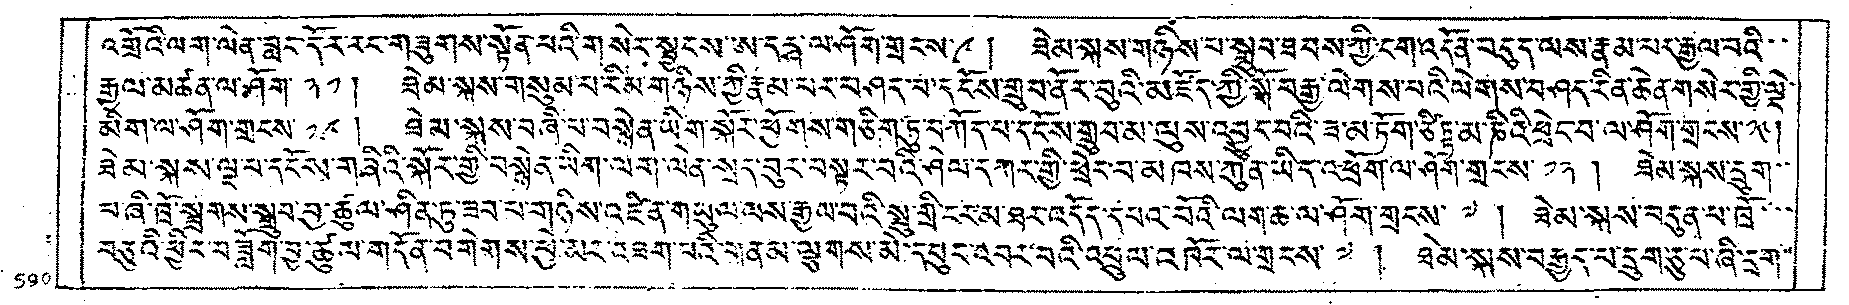འགྲོའི་ལག་ལེན་བླང་དོར་རང་གཟུགས་སྟོན་པའི་གསེར་སྦྱངས་ཨ་དརྴ་ལ་ཤོག་གྲངས ༩། ཐེམ་སྐས་གཉིས་པ་སྒྲུབ་ཐབས་ཀྱི་ངག་འདོན་བདུད་ལས་རྣམ་པར་རྒྱལ་བའི་
རྒྱལ་མཚན་ལ་ཤོག ༢༡། ཐེམ་སྐས་གསུམ་པ་རིམ་གཉིས་ཀྱི་རྣམ་པར་བཤད་པ་དངོས་གྲུབ་ནོར་བུའི་མཛོད་ཀྱི་སྒོ་བརྒྱ་ལེགས་པའི་ལེགས་བཤད་རིན་ཆེན་གསེར་གྱི་ལྡེ་
མིག་ལ་ཤོག་གྲངས ༡༩། ཐེམ་སྐས་བཞི་པ་བསྙེན་ཡིག་སྐོར་ཕྱོགས་གཅིག་ཏུ་བཀོད་པ་དངོས་གྲུབ་མ་ལུས་འབྱུང་བའི་ཟ་མ་ཏོག་ཙིཏྟ་མ་ཎིའི་ཕྲེང་བ་ལ་ཤོག་གྲངས ༡༤།
ཐེམ་སྐས་ལྔ་པ་དངོས་གཞིའི་སྐོར་གྱི་བསྙེན་ཡིག་ལག་ལེན་སྲད་བུར་བསྟར་པའི་ཤེལ་དཀར་གྱི་ཕྲེང་བ་མཁས་ཀུན་ཡིད་འཕྲོག་ལ་ཤོག་གྲངས ༡༢། ཐེམ་སྐས་དྲུག་
པ་ཞི་ཁྲོ་སྦྲགས་སྒྲུབ་བྱ་ཚུལ་ཤིན་ཏུ་ཟབ་པ་གཉིས་འཛིན་གཡུལ་ལས་རྒྱལ་བའི་སྤུ་གྲི་ངར་མ་ཐར་འདོད་དཔའ་བོའི་ལག་ཆ་ལ་ཤོག་གྲངས ༧། ཐེམ་སྐས་བདུན་པ་ཁྲོ་
བཅུའི་ཕྱིར་བཟློག་བྱ་ཚུལ་གདོན་བགེགས་ཕྱེ་མར་འཐག་པའི་གནམ་ལྕགས་མེ་དཔུང་འབར་བའི་འཕྲུལ་འཁོར་ལ་གྲངས ༧། ཐེམ་སྐས་བརྒྱད་པ་དྲུག་ཅུ་པ་ཞིག་དྲག་